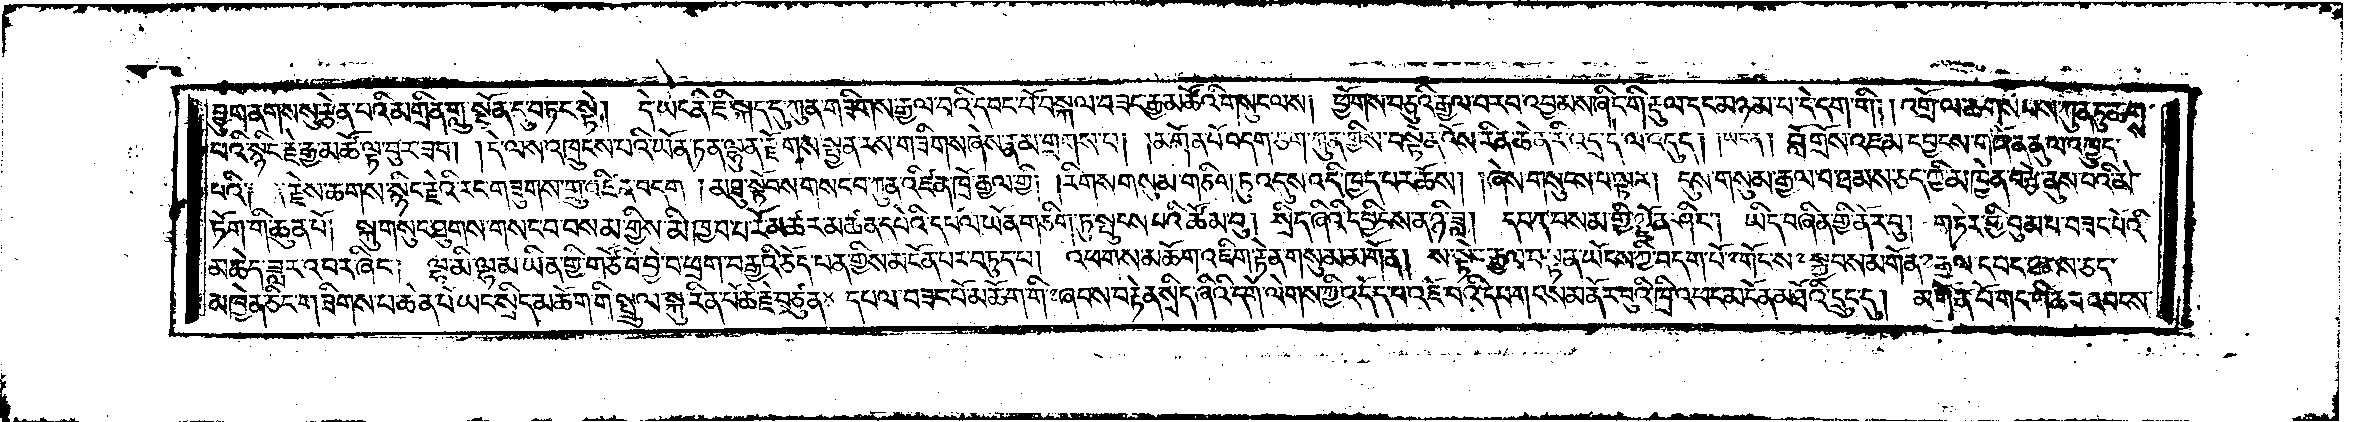བྱུག་ནགས་སུ་རྩེན་པའི་མགྲིན་གླུ་སྔོན་དུ་བཏང་སྟེ། དེ་ཡང་ནི་ཇི་སྐད་དུ་ཀུན་གཟིགས་རྒྱལ་བའི་དབང་པོ་བསྐལ་བཟང་རྒྱ་མཚོའི་གསུང་ལས། ཕྱོགས་བཅུའི་རྒྱལ་བ་རབ་འབྱམས་ཞིང་གི་རྡུལ་དང་མཉམ་པ་དེ་དག་གི། །འགྲོ་ལ་ཆགས་པས་ཀུན་ཏུ་ཆགས་
པའི་སྙིང་རྗེ་རྒྱ་མཚོ་ལྟ་བུར་ཟབ། །དེ་ལས་འཁྲུངས་པའི་ཡོན་ཏན་ལྷུན་རྫོགས་སྤྱན་རས་གཟིགས་ཞེས་རྣམ་གྲགས་པ། །མགོན་པོ་བདག་ཅག་ཀུན་གྱིས་བསྟེན་འོས་རིན་ཆེན་རི་འདྲ་དེ་ལ་འདུད། །ཡང་ན།  བློ་གྲོས་འཇམ་དབྱངས་གཞོན་ནུ་ལ་འཁྱུད་
པའི༑ ༑རྗེས་ཆགས་སྙིང་རྗེའི་རང་གཟུགས་གྲུ་འཛིན་བདག །མཐུ་སྟོབས་གསང་བ་ཀུན་འཛིན་ཁྲོ་རྒྱལ་གྱི། །རིགས་གསུམ་གཅིག་ཏུ་འདུས་འདི་ཁྱད་པར་ཆོས། །ཞེས་གསུངས་པ་ལྟར། དུས་གསུམ་རྒྱལ་བ་ཐམས་ཅད་ཀྱི་མཁྱེན་བརྩེ་ནུས་པའི་མེ་
ཏོག་གི་ཆུན་པོ། སྐུ་གསུང་ཐུགས་གསང་བ་བསམ་གྱིས་མི་ཁྱབ་པ་རོ་མཚར་མཚན་དཔེའི་དཔལ་ཡོན་གཅིག་ཏུ་སྤུངས་པའི་ཚོམ་བུ། སྲིད་ཞིའི་དབྱིངས་ན་ཉི་ཟླ། དཔད་བསམ་གྱི་ལྗོན་ཤིང་། ཡིད་བཞིན་གྱི་ནོར་བུ། གཏེར་གྱི་བུམ་པ་བཟང་པོའི་
མཆེད་ཟླར་འབར་ཞིང་། ལྷ་མི་ལྷ་མ་ཡིན་གྱི་གཙོ་བོ་བྱེ་བ་ཕྲག་བརྒྱའི་ཅོད་པན་གྱིས་མངོན་པར་བཏུད་པ། འཕགས་མཆོག་འཇིག་རྟེན་གསུམ་མགོན། ས་སྟེང་རྒྱལ་བསྟན་ཡོངས་ཀྱི་བདག་པོ ༧གོང་ས ༧སྐྱབས་མགོན ༧རྒྱལ་དབང་ཐམས་ཅད་
མཁྱེན་ཅིང་གཟིགས་པ་ཆེན་པོ་ཡང་སྲིད་མཆོག་གི་སྤྲུལ་སྐུ་རིན་པོ་ཆེ་རྗེ་བཙུན་྾་དཔལ་བཟང་པོ་མཆོག་གི ༧ཞབས་བརྟེན་སྲིད་ཞིའི་དགེ་ལེགས་ཀྱི་འདོད་པ་འཇོ་བའི་དཔག་བསམ་ནོར་བུའི་ཁྲི་འཕང་མངོན་མཐོའི་དྲུང་དུ། མགོན་པོ་གང་གི་ཆབ་འབངས་